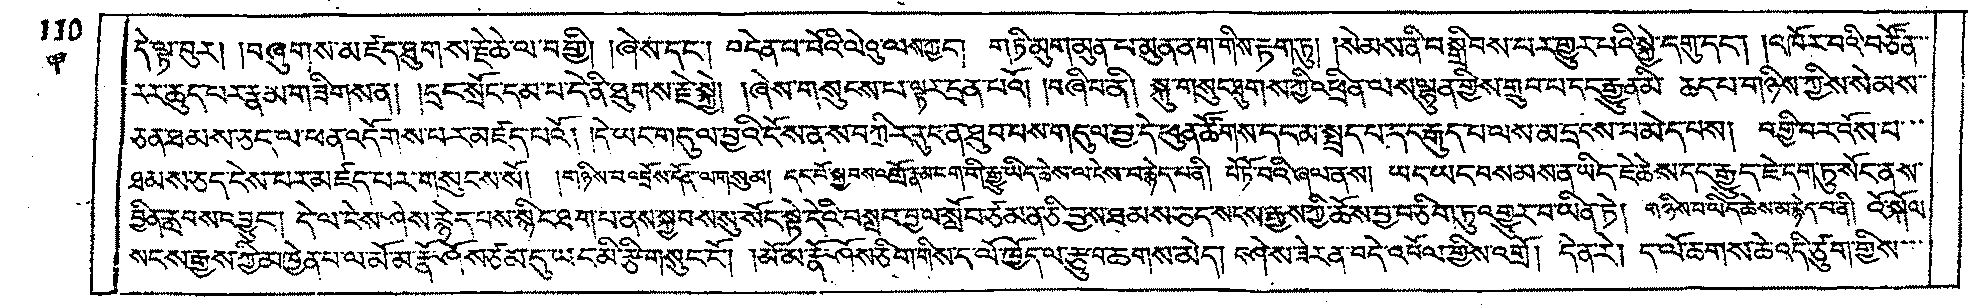དེ་ལྟ་བུར། །བཞུགས་མཛད་ཐུགས་རྗེ་ཆེ་ལ་བགྱི། །ཞེས་དང་། བདེན་པ་པོའི་ལེའུ་ལས་ཀྱང་། གཏི་མུག་མུན་པ་མུན་ནག་གིས་རྟག་ཏུ། །སེམས་ནི་བསྒྲིབས་པར་གྱུར་པའི་སྐྱེ་དགུ་དང་། །འཁོར་བའི་བཙོན་
རར་ཆུད་པར་རྣམ་གཟིགས་ན། །དྲང་སྲོང་དམ་པ་དེ་ནི་ཐུགས་རྗེ་སྐྱེ། །ཞེས་གསུངས་པ་ལྟར་དྲན་པའོ། །བཞི་པ་ནི། སྐུ་གསུང་ཐུགས་ཀྱི་འཕྲིན་ལས་ལྷུན་གྱིས་གྲུབ་པ་དང་རྒྱུན་མི་ཆད་པ་གཉིས་ཀྱིས་སེམས་
ཅན་ཐམས་ཅད་ལ་ཕན་འདོགས་པར་མཛད་པའོ། །དེ་ཡང་གདུལ་བྱའི་ངོས་ནས་བཀྲིར་རུང་ན་ཐུབ་པས་གདུལ་བྱ་དེ་ཕུན་ཚོགས་དང་མ་སྤྲད་པ་དང་རྒུད་པ་ལས་མ་དྲངས་པ་མེད་པས། བགྱི་བར་འོས་པ་
ཐམས་ཅད་ངེས་པར་མཛད་པར་གསུངས་སོ། ། གཉིས་པ་འཕྲོས་དོན་ལ་གསུམ། དང་པོ་སྐྱབས་འགྲོ་རྣམ་ངག་གི་རྒྱུ་ཡིད་ཆེས་ལ་ངེས་པ་རྙེད་པ་ནི།  པོ་ཏོ་བའི་ཞལ་ནས། ཡང་ཡང་བསམས་ན་ཡིད་རྗེ་ཆེས་དང་རྒྱུད་ཇེ་དག་ཏུ་སོང་ནས་
བྱིན་རླབས་འབྱུང་། དེ་ལ་ངེས་ཤེས་རྙེད་པས་སྙིང་ཐག་པ་ནས་སྐྱབས་སུ་སོང་སྟེ་དེའི་བསླབ་བྱ་ལ་སློབ་ཙམ་ན་ཅི་བྱས་ཐམས་ཅད་སངས་རྒྱས་ཀྱི་ཆོས་བྱ་བ་ཅིག་ཏུ་འགྱུར་བ་ཡིན་ཏེ། གཉིས་པ་ཡིད་ཆེས་མ་རྙེད་པ་ནི།  འོ་སྐོལ་
སངས་རྒྱས་ཀྱི་མཁྱེན་པ་ལ་མོ་མ་རྣོ་ཤོས་ཙམ་དུ་ཡང་མི་རྩི་གསུང་ངོ། །མོ་མ་རྣོ་ཤོས་ཅིག་གིས་ད་ལོ་ཁྱོད་ལ་རྩུབ་ཆགས་མེད། ང་ཤེས་ཟེར་ན་བདེ་འབོལ་གྱིས་འགྲོ། དེ་ན་རེ། ད་ལོ་ཆགས་ཆེ་འདི་ཙུག་གྱིས་